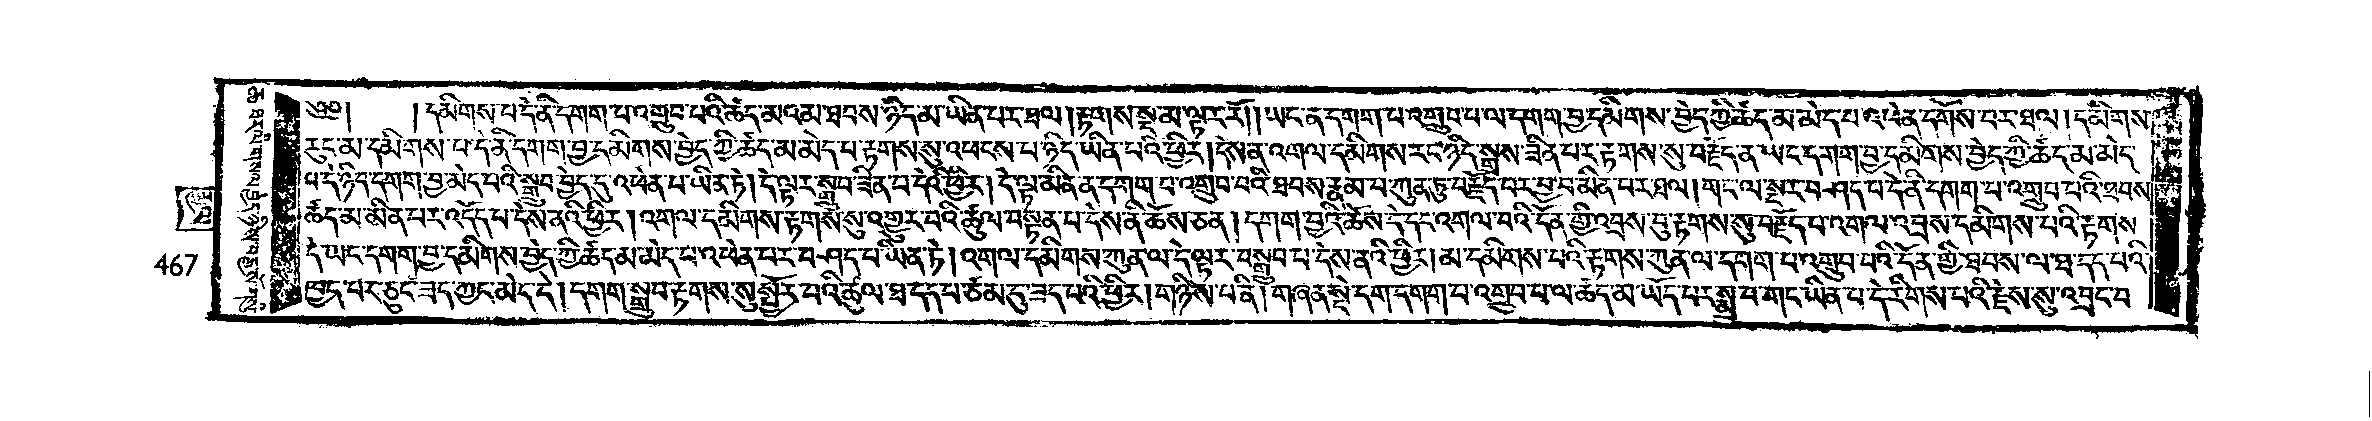༄༅། །དམིགས་པ་དེ་ནི་དགག་པ་འགྲུབ་པའི་ཚད་མའམ་ཐབས་ཉིད་མ་ཡིན་པར་ཐལ། རྟགས་སྔ་མ་ལྟར་རོ། །ཡང་ན་དགག་པ་འགྲུབ་པ་ལ་དགག་བྱ་དམིགས་བྱེད་ཀྱི་ཚད་མ་མེད་པ་འཕེན་དགོས་པར་ཐལ། དམིགས་
རུང་མ་དམིགས་པ་དེ་ནི་དགག་བྱ་དམིགས་བྱེད་ཀྱི་ཚད་མ་མེད་པ་རྟགས་སུ་འཕངས་པ་ཉིད་ཡིན་པའི་ཕྱིར། དེས་ན་འགལ་དམིགས་རང་ཉིད་སྒྲས་ཟིན་པར་རྟགས་སུ་བརྗོད་ན་ཡང་དགག་བྱ་དམིགས་བྱེད་ཀྱི་ཚད་མ་མེད་
པ་དེ་ཉིད་དགག་བྱ་མེད་པའི་སྒྲུབ་བྱེད་དུ་འཕེན་པ་ཡིན་ཏེ། དེ་ལྟར་སྒྲུབ་ཟིན་པ་དེའི་ཕྱིར། དེ་ལྟ་མིན་ན་དགག་པ་འགྲུབ་པའི་ཐབས་རྣམ་པ་ཀུན་ཏུ་བརྗོད་པར་བྱ་བ་མིན་པར་ཐལ། གང་ལ་སྔར་བཤད་པ་དེ་ནི་དགག་པ་འགྲུབ་པའི་ཐབས་
ཚད་མ་མིན་པར་འདོད་པ་དེས་ནའི་ཕྱིར། འགལ་དམིགས་རྟགས་སུ་འགྱུར་བའི་ཚུལ་བསྟན་པ་དེས་ནི་ཆོས་ཅན། དགག་བྱའི་ཆོས་དེ་དང་འགལ་བའི་དོན་གྱི་འབྲས་བུ་རྟགས་སུ་བརྗོད་པ་འགལ་འབྲས་དམིགས་པའི་རྟགས་
དེ་ཡང་དགག་བྱ་དམིགས་བྱེད་ཀྱི་ཚད་མ་མེད་པ་འཕེན་པར་བཤད་པ་ཡིན་ཏེ། འགལ་དམིགས་ཀུན་ལ་དེ་ལྟར་བསྒྲུབ་པ་དེས་ནའི་ཕྱིར། མ་དམིགས་པའི་རྟགས་ཀུན་ལ་དགག་པ་འགྲུབ་པའི་དོན་གྱི་ཐབས་ལ་ཐ་དད་པའི་
ཁྱད་པར་ཅུང་ཟད་ཀྱང་མེད་དེ། དགག་སྒྲུབ་རྟགས་སུ་སྦྱོར་བའི་ཚུལ་ཐ་དད་པ་ཙམ་དུ་ཟད་པའི་ཕྱིར། གཉིས་པ་ནི། གཞན་སྡེ་དག་དགག་པ་འགྲུབ་པ་ལ་ཚད་མ་ཡོད་པར་སྨྲ་བ་གང་ཡིན་པ་དེ་རིགས་པའི་རྗེས་སུ་འབྲང་བ་